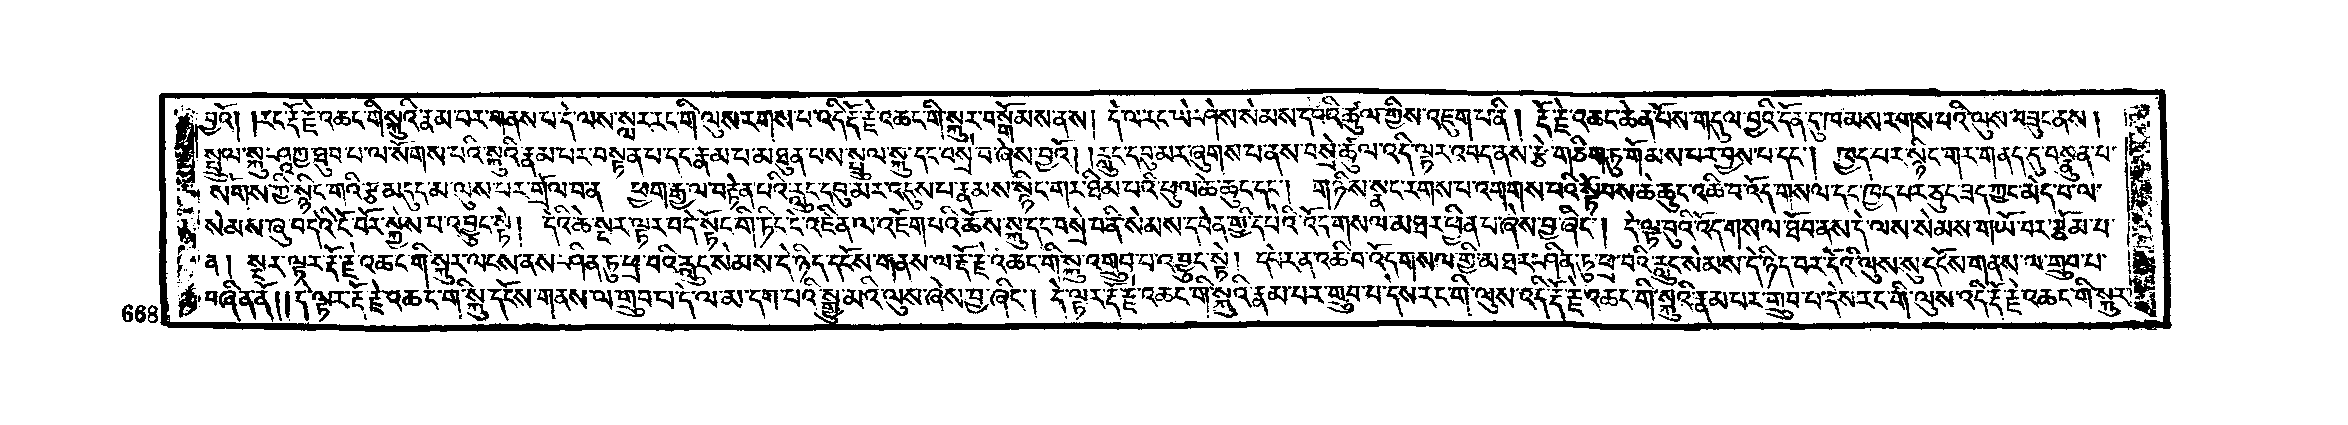བྱའོ། །རང་རྡོ་རྗེ་འཆང་གི་སྐུའི་རྣམ་པར་གནས་པ་དེ་ལས་སླར་རང་གི་ལུས་རགས་པ་འདི་རྡོ་རྗེ་འཆང་གི་སྐུར་བསྒོམས་ནས། དེ་ལ་རང་ཡེ་ཤེས་སེམས་དཔའི་ཚུལ་གྱིས་འཇུག་པ་ནི། རྡོ་རྗེ་འཆང་ཆེན་པོས་གདུལ་བྱའི་དོན་དུ་ཁམས་རགས་པའི་ལུས་བཟུང་ནས།
སྤྲུལ་སྐུ་ཤཱཀྱ་ཐུབ་པ་ལ་སོགས་པའི་སྐུའི་རྣམ་པར་བསྟན་པ་དང་རྣམ་པ་མཐུན་པས་སྤྲུལ་སྐུ་དང་བསྲེ་བ་ཞེས་བྱའོ། །རླུང་དབུ་མར་ཞུགས་པ་ནས་བསྲེ་ཚུལ་འདི་ལྟར་འབད་ནས་རྩེ་གཅིག་ཏུ་གོམས་པར་བྱས་པ་དང་། ཁྱད་པར་སྙིང་གར་གནད་དུ་བསྣུན་པ་
སོགས་ཀྱི་སྙིང་གའི་རྩ་མདུད་མ་ལུས་པར་གྲོལ་བ་ན་ཕྱག་རྒྱ་ལ་བརྟེན་པའི་རླུང་དབུ་མར་འདུས་པ་རྣམས་སྙིང་གར་ཐིམ་པའི་ཕུལ་ཆེ་ཆུང་དང་། གཉིས་སྣང་རགས་པ་འགགས་པའི་སྟོབས་ཆེ་ཆུང་འཆི་བ་འོད་གསལ་དང་ཁྱད་པར་ཅུང་ཟད་ཀྱང་མེད་པ་ལ་
སེམས་ཞུ་བ་དེའི་ངོ་བོར་སྐྱེས་པ་འབྱུང་སྟེ། དེའི་ཚེ་སྔར་ལྟར་བདེ་སྟོང་གི་ཏིང་ངེ་འཛིན་ལ་འཇོག་པའི་ཆོས་སྐུ་དང་བསྲེ་བ་ནི་སེམས་དབེན་གྱི་དཔེའི་འོད་གསལ་མཐར་ཕྱིན་པ་ཞེས་བྱ་ཞིང་། དེ་ལྟ་བུའི་འོད་གསལ་ཐོབ་ནས་དེ་ལས་སེམས་གཡོ་བར་རྩོམ་པ་
ན། སྔར་ལྟར་རྡོ་རྗེ་འཆང་གི་སྐུར་ལངས་ནས་ཤིན་ཏུ་ཕྲ་བའི་རླུང་སེམས་དེ་ཉིད་དངོས་གནས་ལ་རྡོ་རྗེ་འཆང་གི་སྐུ་འགྲུབ་པ་འབྱུང་སྟེ། དཔེར་ན་འཆི་བ་འོད་གསལ་གྱི་མཐར་ཤིན་ཏུ་ཕྲ་བའི་རླུང་སེམས་དེ་ཉིད་བར་དོའི་ལུས་སུ་དངོས་གནས་ལ་གྲུབ་པ་
བཞིན་ནོ། །དེ་ལྟར་རྡོ་རྗེ་འཆང་གི་སྐུ་དངོས་གནས་ལ་གྲུབ་པ་དེ་ལ་མ་དག་པའི་སྒྱུ་མའི་ལུས་ཞེས་བྱ་ཞིང་། དེ་ལྟར་རྡོ་རྗེ་འཆང་གི་སྐུའི་རྣམ་པར་གྲུབ་པ་དེས་རང་གི་ལུས་འདི་རྡོ་རྗེ་འཆང་གི་སྐུའི་རྣམ་པར་གྲུབ་པ་དེས་རང་གི་ལུས་འདི་རྡོ་རྗེ་འཆང་གི་སྐུར་